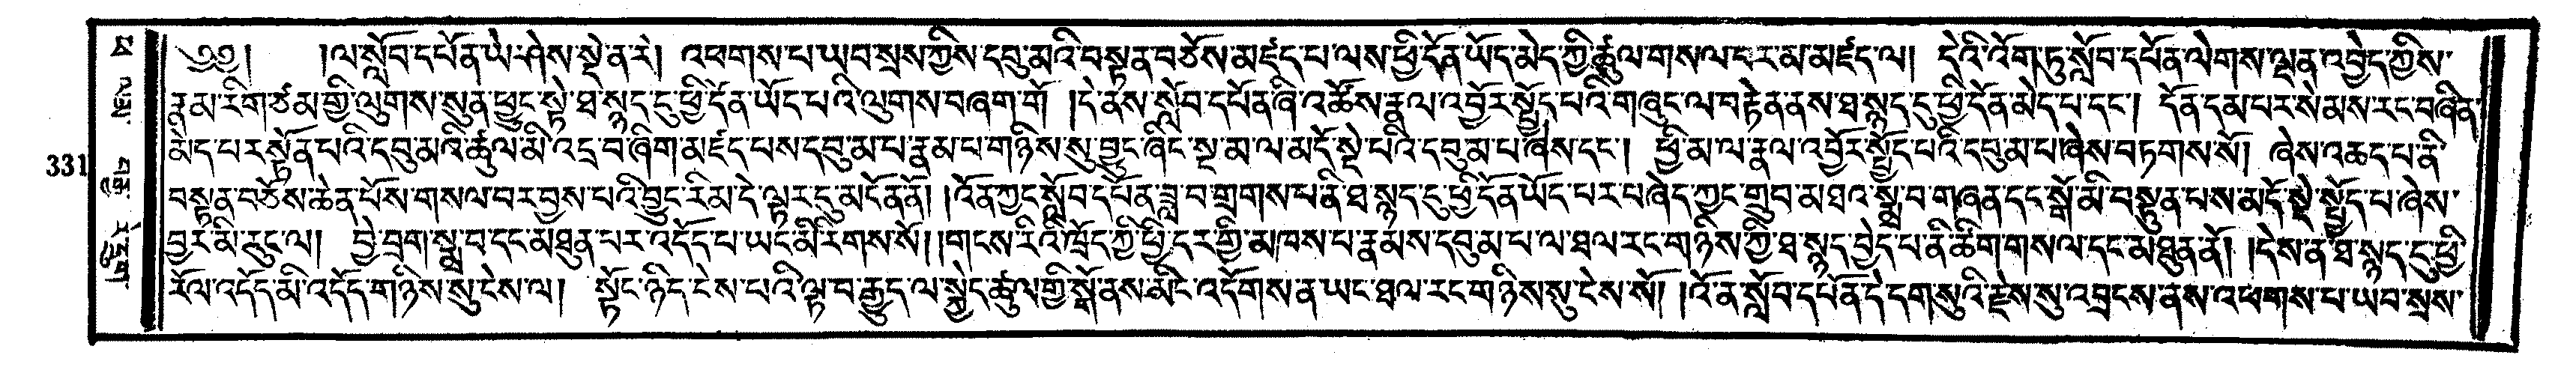༄༅། །ལ་སློབ་དཔོན་ཡེ་ཤེས་སྡེ་ན་རེ། འཕགས་པ་ཡབ་སྲས་ཀྱིས་དབུ་མའི་བསྟན་བཅོས་མཛད་པ་ལས་ཕྱི་དོན་ཡོད་མེད་ཀྱི་ཚུལ་གསལ་བར་མ་མཛད་ལ། དེའི་འོག་ཏུ་སློབ་དཔོན་ལེགས་ལྡན་འབྱེད་ཀྱིས་
རྣམ་རིག་ཙམ་གྱི་ལུགས་སུན་ཕྱུང་སྟེ་ཐ་སྙད་དུ་ཕྱི་དོན་ཡོད་པའི་ལུགས་བཞག་གོ །དེ་ནས་སློབ་དཔོན་ཞི་འཚོས་རྣལ་འབྱོར་སྤྱོད་པའི་གཞུང་ལ་བརྟེན་ནས་ཐ་སྙད་དུ་ཕྱི་དོན་མེད་པ་དང་། དོན་དམ་པར་སེམས་རང་བཞིན་
མེད་པར་སྟོན་པའི་དབུ་མའི་ཚུལ་མི་འདྲ་བ་ཞིག་མཛད་པས་དབུ་མ་པ་རྣམ་པ་གཉིས་སུ་བྱུང་ཞིང་སྔ་མ་ལ་མདོ་སྡེ་པའི་དབུ་མ་པ་ཞེས་དང་། ཕྱི་མ་ལ་རྣལ་འབྱོར་སྤྱོད་པའི་དབུ་མ་པ་ཞེས་བཏགས་སོ། །ཞེས་འཆད་པ་ནི་
བསྟན་བཅོས་ཆེན་པོས་གསལ་བར་བྱས་པའི་བྱུང་རིམ་དེ་ལྟར་དུ་མངོན་ནོ། །འོན་ཀྱང་སློབ་དཔོན་ཟླ་བ་གྲགས་པ་ནི་ཐ་སྙད་དུ་ཕྱི་དོན་ཡོད་པར་བཞེད་ཀྱང་གྲུབ་མཐའ་སྨྲ་བ་གཞན་དང་སྒོ་མི་བསྟུན་པས་མདོ་སྡེ་སྤྱོད་པ་ཞེས་
བྱར་མི་རུང་ལ། བྱེ་བྲག་སྨྲ་བ་དང་མཐུན་པར་འདོད་པ་ཡང་མི་རིགས་སོ། །གངས་རིའི་ཁྲོད་ཀྱི་ཕྱི་དར་གྱི་མཁས་པ་རྣམས་དབུ་མ་པ་ལ་ཐལ་རང་གཉིས་ཀྱི་ཐ་སྙད་བྱེད་པ་ནི་ཚིག་གསལ་དང་མཐུན་ནོ། །དེས་ན་ཐ་སྙད་དུ་ཕྱི་
རོལ་འདོད་མི་འདོད་གཉིས་སུ་ངེས་ལ། སྟོང་ཉིད་ངེས་པའི་ལྟ་བ་རྒྱུད་ལ་སྐྱེད་ཚུལ་གྱི་སྒོ་ནས་མིང་འདོགས་ན་ཡང་ཐལ་རང་གཉིས་སུ་ངེས་སོ། །འོ་ན་སློབ་དཔོན་དེ་དག་སུའི་རྗེས་སུ་འབྲངས་ནས་འཕགས་པ་ཡབ་སྲས་